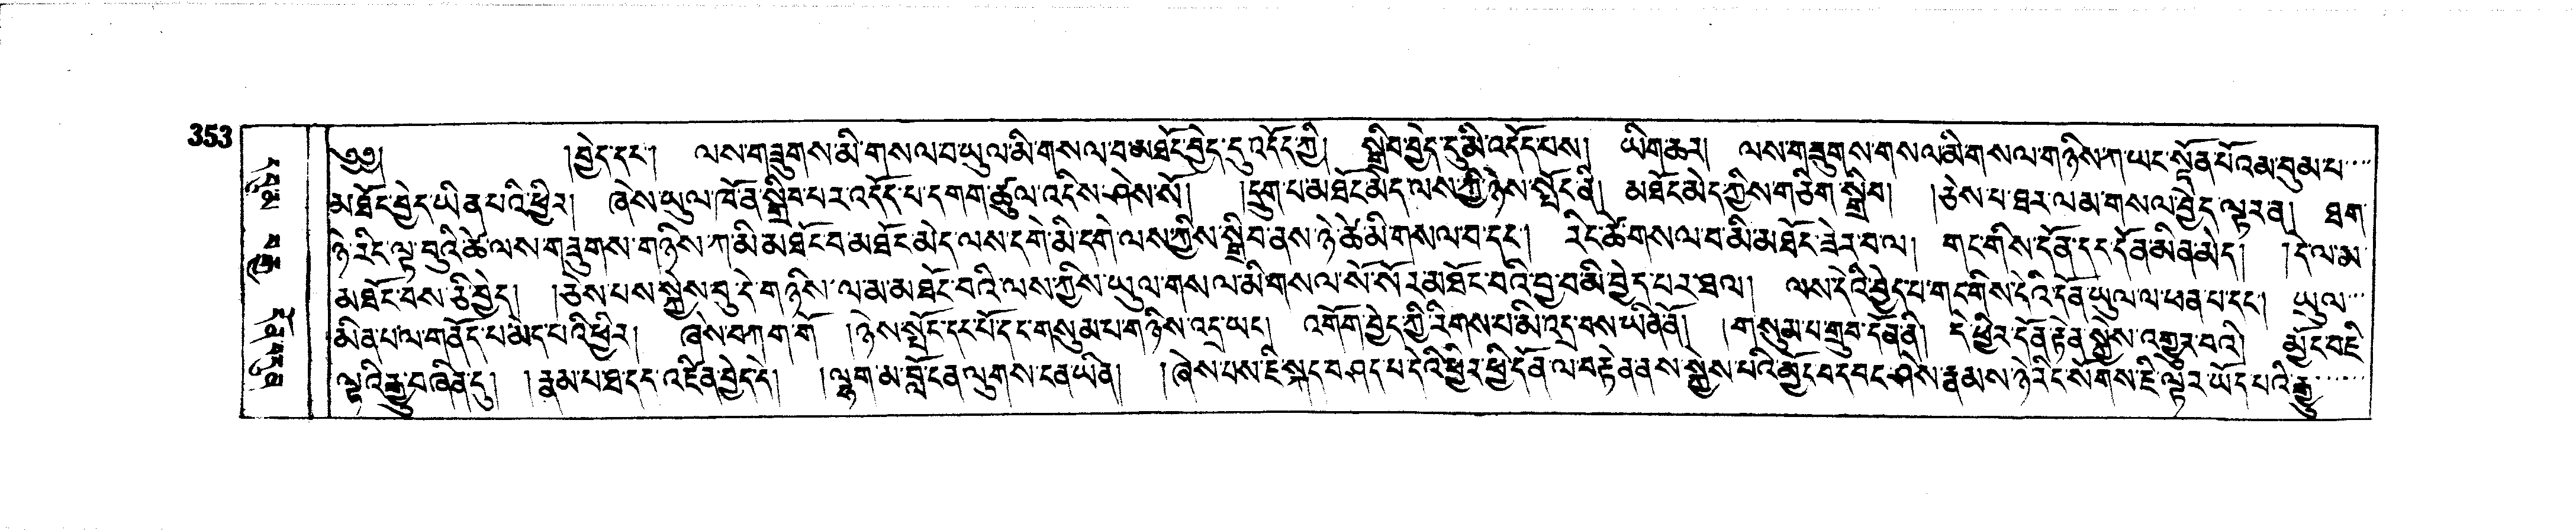༄༅། །བྱེད་དང་། ལས་གཟུགས་མི་གསལ་བ་ཡུལ་མི་གསལ་བ་མཐོང་བྱེད་དུ་འདོད་ཀྱི། སྒྲིབ་བྱེད་དུ་མི་འདོད་པས། ཡིག་ཆར། ལས་གཟུགས་གསལ་མི་གསལ་གཉིས་ཀ་ཡང་སྡོན་པོའམ་བུམ་པ་
མཐོང་བྱེད་ཡིན་པའི་ཕྱིར། ཞེས་ཡུལ་ཁོ་ན་སྒྲིབ་པར་འདོད་པ་དགག་ཚུལ་འདིས་ཤེས་སོ། །དྲུག་པ་མཐོང་མེད་ལས་ཀྱི་ཉེས་སྤོང་ནི། མཐོང་མེད་ཀྱིས་གཅིག་སྒྲིབ། །ཅེས་པ་ཐར་ལམ་གསལ་བྱེད་ལྟར་ན། ཐག་
ཉེ་རིང་ལྟ་བུའི་ཚེ་ལས་གཟུགས་གཉིས་ཀ་མི་མཐོང་བ་མཐོང་མེད་ལས་དགེ་མི་དགེ་ལས་ཀྱིས་སྒྲིབ་ནས་ཉེ་ཚེ་མི་གསལ་བ་དང་། རིང་ཚེ་གསལ་བ་མི་མཐོང་ཟེར་བ་ལ། གང་གིས་དོན་དང་དོན་མིན་མེད། །དེ་ལ་མ་
མཐོང་བས་ཅི་བྱེད། །ཅེས་པས་སྐྱེས་བུ་དེ་གཉིས་ལ་མ་མཐོང་བའི་ལས་ཀྱིས་ཡུལ་གསལ་མི་གསལ་སོ་སོར་མཐོང་བའི་བྱ་བ་མི་བྱེད་པར་ཐལ། ལས་དེའི་བྱེད་པ་གང་གིས་དེའི་དོན་ཡུལ་ལ་ཕན་པ་དང་། ཡུལ་
མིན་པ་ལ་གནོད་པ་མེད་པའི་ཕྱིར། ཞེས་བཀག་གོ །ཉེས་སྤོང་དང་པོ་དང་གསུམ་པ་གཉིས་འདྲ་ཡང་། འགོག་བྱེད་ཀྱི་རིགས་པ་མི་འདྲ་བས་ཡིན་ནོ། །གསུམ་པ་གྲུབ་དོན་ནི། དེ་ཕྱིར་དོན་རྟེན་སྐྱེས་འགྱུར་བའི། མྱོང་བ་ཇི་
ལྟའི་རྒྱུ་བཞིན་དུ། །རྣམ་པ་ཐ་དད་འཛིན་བྱེད་དེ། །ལྷག་མ་བློ་ངན་ལུགས་ངན་ཡིན། །ཞེས་པས་ཇི་སྐད་བཤད་པ་དེའི་ཕྱིར་ཕྱི་དོན་ལ་བརྟེན་ནས་སྐྱེས་པའི་མྱོང་བ་དབང་ཤེས་རྣམས་ཉེ་རིང་སོགས་ཇི་ལྟར་ཡོད་པའི་རྒྱུ་